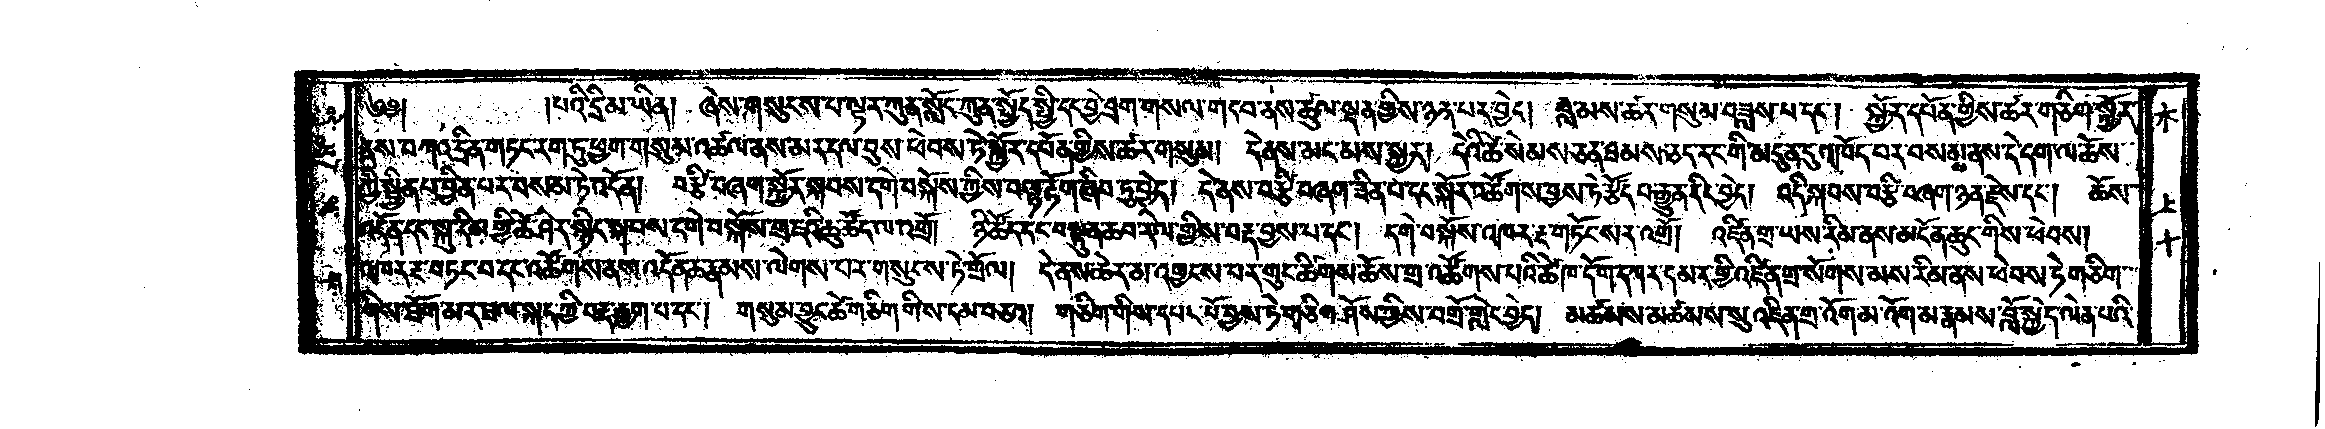༄༅། །པའི་དྲི་མ་ཡིན། ཞེས་གསུངས་པ་ལྟར་ཀུན་སློང་ཀུན་སྤྱོད་སྤྱི་དང་བྱེ་བྲག་གསལ་གདབ་ནས་ཚུལ་ལྡན་གྱིས་ཉན་པར་བྱེད། བླ་མས་ཚར་གསུམ་བཟླས་པ་དང་། སྐྱོར་དཔོན་གྱིས་ཚར་གཅིག་སྐྱོར་
ནས་བཀའ་དྲིན་གཏང་རག་ཏུ་ཕྱག་གསུམ་འཚལ་ནས་མར་དལ་བུས་ཕེབས་ཏེ་སྐྱོར་དབོན་གྱིས་ཚར་གསུམ། དེ་ནས་མང་མས་སྐྱར། དེའི་ཚེ་སེམས་ཅན་ཐམས་ཅད་རང་གི་མདུན་དུ་འཁོད་པར་བསམས་ནས་དེ་དག་ལ་ཆོས་
ཀྱི་སྦྱིན་པ་བྱིན་པར་བསམ་ཏེ་འདོན། བརྩི་བཞག་སྐྱོར་སྐབས་དགེ་བསྐོས་ཀྱིས་བལྟ་རྟོག་ཞིབ་ཏུ་བྱེད། དེ་ནས་བརྩི་བཞག་ཟིན་པ་དང་སྐོར་འཚོགས་བྱས་ཏེ་རྩོད་པ་རྒྱུན་རིང་བྱེད། འདི་སྐབས་བརྩི་བཞག་ཉན་རྗེས་དང་། ཆོས་
འདོན་དང་སྐུ་རིམ་གྱི་ཚེ་ཤེར་སྙིང་སྐབས་དགེ་བསྐོས་གྲ་ཇའི་ཆུ་ཚོད་ལ་འགྲོ། ཉི་ཚོད་དང་བསྟུན་ཆབ་རིལ་གྱིས་བརྡ་བྱས་པ་དང་། དགེ་བསྐོས་འཁར་རྔ་གཏོང་སར་འགྲོ། འཛིན་གྲ་ཡས་རིམ་ནས་མངོན་ཆུང་གིས་ཕེབས།
འཁར་རྔ་བཏང་བ་དང་འཚོགས་ནས་འདོན་ཆ་རྣམས་ལེགས་པར་གསུངས་ཏེ་གྲོལ། དེ་ནས་ཆེར་མ་འགྱངས་པར་གུང་ཚིགས་ཆོས་གྲ་འཚོགས་པའི་ཚེ་ཁ་དོག་དཀར་དམར་གྱི་འཛིན་གྲ་སོགས་མས་རིམ་ནས་ཕེབས་ཏེ་གཅིག་
གིས་ཐོག་མར་ཐལ་སྐད་ཀྱི་བརྡ་རྒྱག་པ་དང་། གསུམ་བྱུང་ཚེ་གཅིག་གིས་དམ་བཅའ། གཅིག་གིས་དཔང་པོ་བྱས་ཏེ་གཅིག་ཤོས་ཀྱིས་བགྲོ་གླེང་བྱེད། མཚམས་མཚམས་སུ་འཛིན་གྲ་འོག་མ་འོག་མ་རྣམས་བློ་སྐྱིད?་ལེན་པའི་